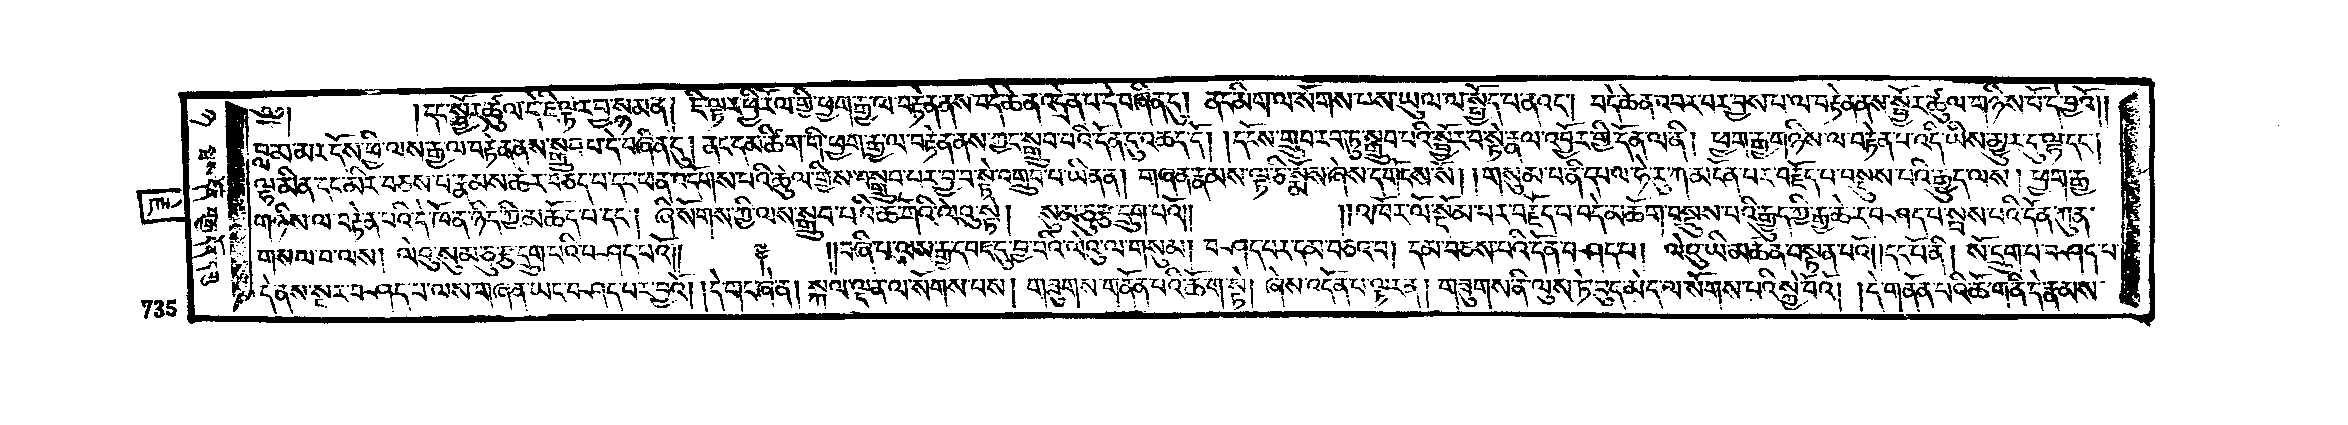༄༅། །དང་སྦྱོར་ཚུལ་དེ་ཇི་ལྟར་བྱ་སྙམ་ན། ཇི་ལྟར་ཕྱི་རོལ་གྱི་ཕྱག་རྒྱ་ལ་བརྟེན་ནས་བདེ་ཆེན་འདྲེན་པ་དེ་བཞིན་དུ། ནང་མིག་ལ་སོགས་པས་ཡུལ་ལ་སྤྱོད་པ་ནའང་། བདེ་ཆེན་འབར་བར་བྱས་པ་ལ་བརྟེན་ནས་སྦྱོར་ཚུལ་གཉིས་པོ་དེ་བྱའོ། །
བླ་མ་མར་དོས་ཕྱི་ལས་རྒྱལ་ལ་བརྟེན་ནས་སྒྲུབ་པ་དེ་བཞིན་དུ། ནང་དམ་ཚིག་གི་ཕྱག་རྒྱ་ལ་བརྟེན་ནས་ཀྱང་སྒྲུབ་པའི་དོན་དུ་འཆད་དོ། །དངོས་གྲུབ་རབ་ཏུ་སྒྲུབ་པའི་སྦྱོར་བ་སྟེ་རྣལ་འབྱོར་གྱི་དོན་ལ་ནི། ཕྱག་རྒྱ་གཉིས་ལ་བརྟེན་པ་འདི་ཡིས་མྱུར་དུ་ལྷ་དང་།
ལྷ་མིན་དང་མིར་བཅས་པ་རྣམས་ཆེར་བཅད་པ་དང་ཕན་འདོགས་པའི་ཚུལ་གྱིས་བསྒྲུབ་པར་བྱ་བ་སྟེ་འགྲུབ་པ་ཡིན་ན། གཞན་རྣམས་ལྟ་ཅི་སྨོས་ཞེས་དགོངས་སོ། །གསུམ་པ་ནི་དཔལ་ཧེ་རུ་ཀ་མངོན་པར་བརྗོད་པ་བསྡུས་པའི་རྒྱུད་ལས། ཕྱག་རྒྱ་
གཉིས་ལ་བརྟེན་པའི་དེ་ཁོ་ན་ཉིད་ཀྱི་མཆོད་པ་དང་། ཞི་སོགས་ཀྱི་ལས་སྒྲུབ་པའི་ཆོ་གའི་ལེའུ་སྟེ། སུམ་ཅུ་རྩ་དྲུག་པའོ།། །།འཁོར་ལོ་སྡོམ་པར་བརྗོད་པ་བདེ་མཆོག་བསྡུས་པའི་རྒྱུད་ཀྱི་རྒྱ་ཆེར་བཤད་པ་སྦས་པའི་དོན་ཀུན་
གསལ་བ་ལས། ལེའུ་སུམ་ཅུ་རྩ་དྲུག་པའི་བཤད་པའོ།། ༈ །།བཞི་པ་ལས་རྒྱ་དབང་དུ་བྱ་བའི་ལེའུ་ལ་གསུམ། བཤད་པར་དམ་བཅའ་བ། དམ་བཅས་པའི་དོན་བཤད་པ། ལེའུ་ཡི་མཚན་བསྟན་པའོ། །དང་པོ་ནི། སོ་དྲུག་པ་བཤད་པ་
དེ་ནས་སྔར་བཤད་པ་ལས་གཞན་ཡང་བཤད་པར་བྱའོ། །དེ་གང་ཞེ་ན། སྐལ་ལྡན་ལ་སོགས་པས། གཟུགས་གནོན་པའི་ཆོ་ག་སྟེ། ཞེས་འདོན་པ་ལྟར་ན། གཟུགས་ནི་ལུས་ཏེ་བུད་མེད་ལ་སོགས་པའི་སྐྱེ་བོའོ། །དེ་གནོན་པའི་ཆོ་ག་ནི་དེ་རྣམས་